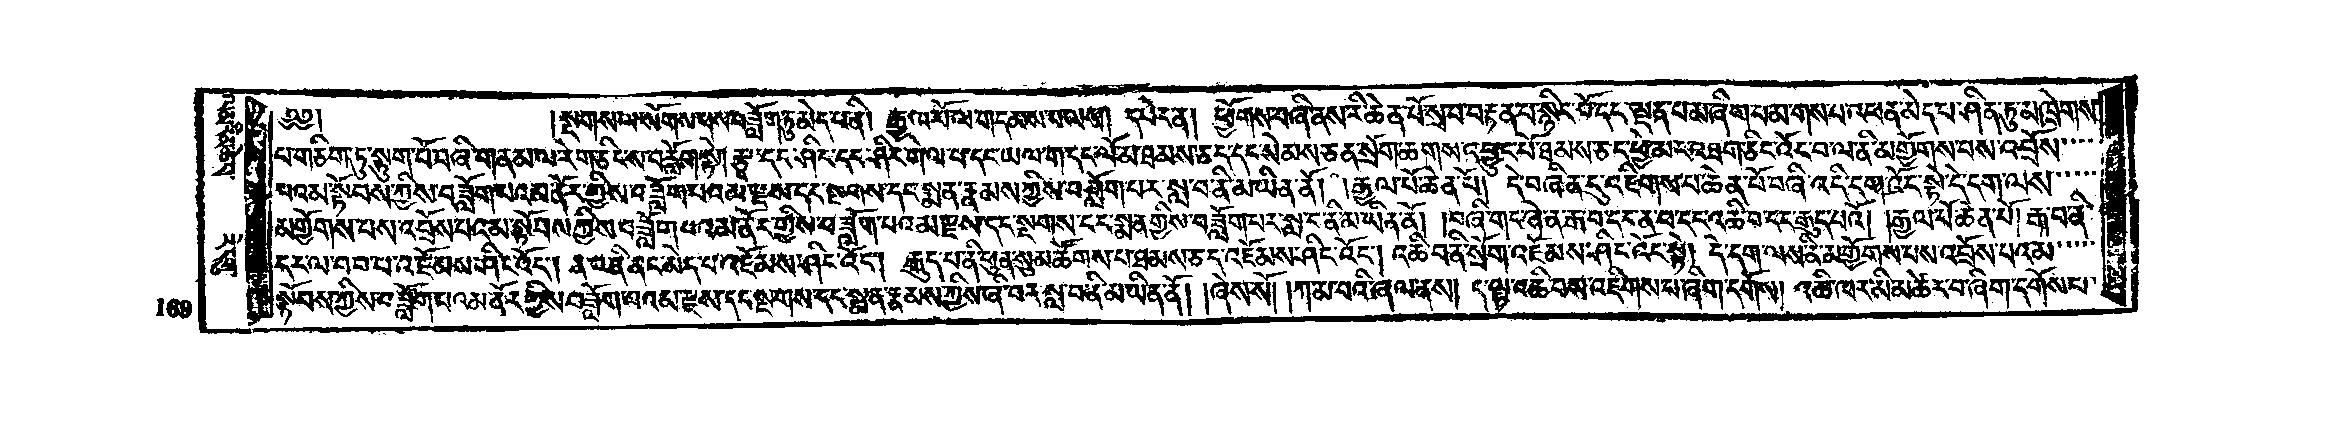༄༅། །སྔགས་ལ་སོགས་པས་བཟློག་ཏུ་མེད་པ་ནི། རྒྱལ་པོ་ལ་གདམས་པ་ལས། དཔེར་ན། ཕྱོགས་བཞི་ནས་རི་ཆེན་པོ་སྲ་བ་བརྟན་པ་སྙིང་པོ་དང་ལྡན་པ་མ་ཞིག་པ་མ་གས་པ་འཕན་མེད་པ་ཤིན་ཏུ་མཁྲེགས་
པ་གཅིག་ཏུ་སྟུག་པོ་བཞི་གནམ་?་ལ་རེག་ཅིང་ས་?་བརློག་སྟེ། རྩྭ་དང་ཤིང་དང་ཤིང་གེལ་པ་དང་ཡལ་ག་དང་ལོ་མ་ཐམས་ཅད་དང་སེམས་ཅན་སྲོག་ཆགས་འབྱུང་པོ་ཐམས་ཅད་ཕྱེ་མར་འཐག་ཅིང་འོང་བ་ལ་ནི་མགྱོགས་པས་འབྲོས་
པའམ་སྟོབས་ཀྱིས་བཟློག་པའམ་ནོར་གྱིས་བཟློག་པའམ་རྫས་དང་སྔགས་དང་སྨན་རྣམས་ཀྱིས་བཟློག་པར་སླ་བ་ནི་མ་ཡིན་ནོ། །རྒྱལ་པོ་ཆེན་པོ། དེ་བཞིན་དུ་འཇིགས་པ་ཆེན་པོ་བཞི་འདི་དག་འོང་སྟེ་དེ་དག་ལས་
མགྱོགས་པས་འབྲོས་པའམ་སྟོབས་ཀྱིས་བཟློག་པའམ་ནོར་གྱིས་བཟློག་པའམ་རྫས་དང་སྔགས་དང་སྨན་གྱིས་བཟློག་པར་སླ་བ་ནི་མ་ཡིན་ནོ། །བཞི་གང་ཞེ་ན་རྒ་བ་དང་ན་བ་དང་འཆི་བ་དང་རྒུད་པའོ། །རྒྱལ་པོ་ཆེན་པོ། རྒ་བ་ནི་
དར་ལ་བབ་པ་འཇོམས་ཤིང་འོང་། ན་བ་ནི་ནད་མེད་པ་འཇོམས་ཤིང་འོང་། རྒུད་པ་ནི་ཕུན་སུམ་ཚོགས་པ་ཐམས་ཅད་འཇོམས་ཤིང་འོང་། འཆི་བ་ནི་སྲོག་འཇོམས་ཤིང་འོང་སྟེ། དེ་དག་ལས་ནི་མགྱོགས་པས་འབྲོས་པའམ་
སྟོབས་ཀྱིས་བཟློག་པའམ་ནོར་གྱིས་བཟློག་པའམ་རྫས་དང་སྔགས་དང་སྨན་རྣམས་ཀྱིས་ཞི་བར་སླ་བ་ནི་མ་ཡིན་ནོ། །ཞེས་སོ། །ཀ་མ་བའི་ཞལ་ནས། ད་ལྟ་འཆི་བས་འཇིགས་པ་ཞིག་དགོས། འཆི་ཁར་མི་མཚེར་བ་ཞིག་དགོས་པ་